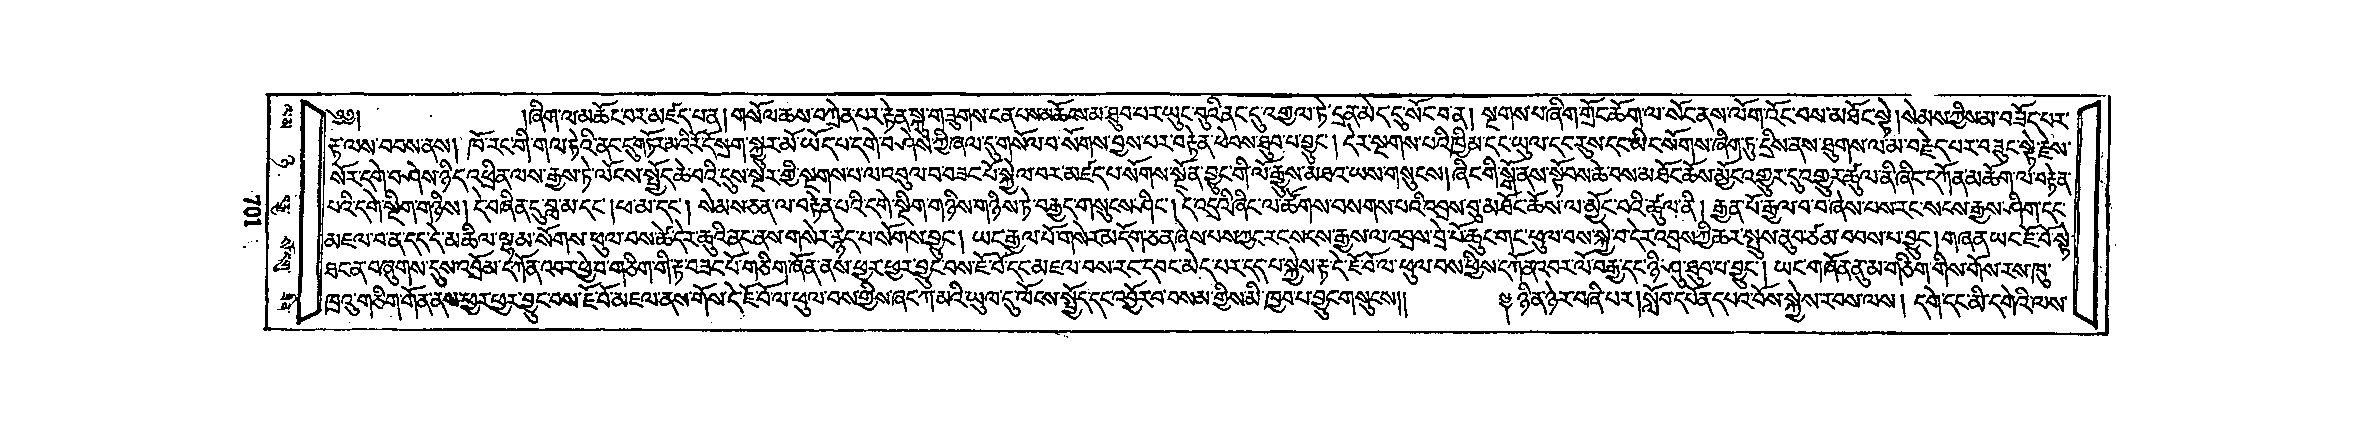༄༅། །ཞིག་ལ་མཆོང་བར་མཛད་པ་ན། གསོལ་ཆས་བཀྲེན་པར་རྟེན་སྐུ་གཟུགས་ངན་པས་མཆོངས་མ་ཐུབ་པར་ཡུང་བུའི་ནང་དུ་འགྱལ་ཏེ་དྲན་མེད་དུ་སོང་བ་ན། སྔགས་པ་ཞིག་གྲོང་ཆོག་ལ་སོང་ནས་ལོག་འོང་བས་མཐོང་སྟེ། སེམས་ཀྱིས་མ་བཟོད་པར་
རྟ་ལས་བབས་ནས། ཁོ་རང་གི་གལ་ཏེའི་ནང་དུ་གཏོར་མའི་རོ་དོ་སྲག་སྐྱུར་མོ་ཡོད་པ་དགེ་བཤེས་ཀྱི་ཞལ་དུ་གསོལ་བ་སོགས་བྱས་པར་བརྟེན་ཕེབས་ཐུབ་པ་བྱུང་། དེར་སྔགས་པའི་ཁྱིམ་དང་ཡུལ་དང་རུས་དང་མིང་སོགས་ཞིག་ཏུ་དྲིས་ནས་ཐུགས་ལ་མ་བརྗེད་པར་བཟུང་སྟེ་རྗེས་
སོར་དགེ་བཤེས་ཉིད་འཕྲིན་ལས་རྒྱས་ཏེ་ལོངས་སྤྱོད་ཆེ་བའི་དུས་སྔར་གྱི་སྔགས་པ་ལ་འབུལ་བ་བཟང་པོ་སྐྱེལ་བར་མཛད་པ་སོགས་སྔོན་བྱུང་གི་ལོ་རྒྱུས་མཐའ་ཡས་གསུངས། ཞིང་གི་སྒོ་ནས་སྟོབས་ཆེ་བས་མཐོང་ཆོས་མྱོང་འགྱུར་དུ་འགྱུར་ཚུལ་ནི་ཞིང་དཀོན་མཆོག་ལ་བརྟེན་
པའི་དགེ་སྡིག་གཉིས། དེ་བཞིན་དུ་བླ་མ་དང་། ཕ་མ་དང་། སེམས་ཅན་ལ་བརྟེན་པའི་དགེ་སྡིག་གཉིས་གཉིས་ཏེ་བརྒྱད་གསུངས་ཤིང་། དེ་འདྲའི་ཞིང་ལ་ཚོགས་བསགས་པའི་འབྲས་བུ་མཐོང་ཆོས་ལ་མྱོང་བའི་ཚུལ་ནི། རྒྱན་པོ་རྒྱལ་བ་བ་ཞེས་པས་རང་སངས་རྒྱས་ཤིག་དང་
མཇལ་བ་ན་དད་དེ་མཆིལ་ལྷམ་སོགས་ཕུལ་བས་ཚེ་དེར་ཆུའི་ནང་ནས་གསེར་རྙེད་པ་སོགས་བྱུང་། ཡང་རྒྱལ་པོ་གསེར་མདོག་ཅན་ཞེས་པས་ཀྱང་རང་སངས་རྒྱས་ལ་འབྲས་བྲེ་པོ་ཆུང་གང་ཕུལ་བས་སྐྱེ་བ་དེར་འབྲས་ཀྱི་ཆར་སྤུས་ནུབ་ཙམ་བབས་པ་བྱུང་། གཞན་ཡང་ཇོ་བོ་སྟེ་
ཐང་ན་བཞུགས་དུས་འབྲོམ་དཀོན་འབར་ཕྱེ་བ་གཅིག་གི་རྟ་བཟང་པོ་གཅིག་ཞོན་ནས་ཕྱར་ཕྱར་བྱུང་བས་ཇོ་བོ་དང་མཇལ་བས་རང་དབང་མེད་པར་དད་པ་སྐྱེས་རྟ་དེ་ཇོ་བོ་ལ་ཕུལ་བས་ཕྱིས་དཀོན་འབར་ལོ་བརྒྱ་དང་ཉི་ཤུ་ཐུབ་པ་བྱུང་། ཡང་གཞོན་ནུ་མ་གཅིག་གིས་གོས་རས་ཁུ་
ཁྲའུ་གཅིག་གོན་ནས་ཕྱར་ཕྱར་བྱུང་བས་ཇོ་བོ་མཇལ་ནས་གོས་དེ་ཇོ་བོ་ལ་ཕུལ་བས་གྱིས་ཞང་ཀ་མའི་ཡུལ་དུ་ལོངས་སྤྱོད་དང་འབྱོར་བ་བསམ་གྱིས་མི་ཁྱབ་པ་བྱུང་གསུངས།། ༈ཉིན་ཉེར་བཞི་པར། སློབ་དཔོན་དཔའ་བོས་སྐྱེས་རབས་ལས། དགེ་དང་མི་དགེའི་ལས་